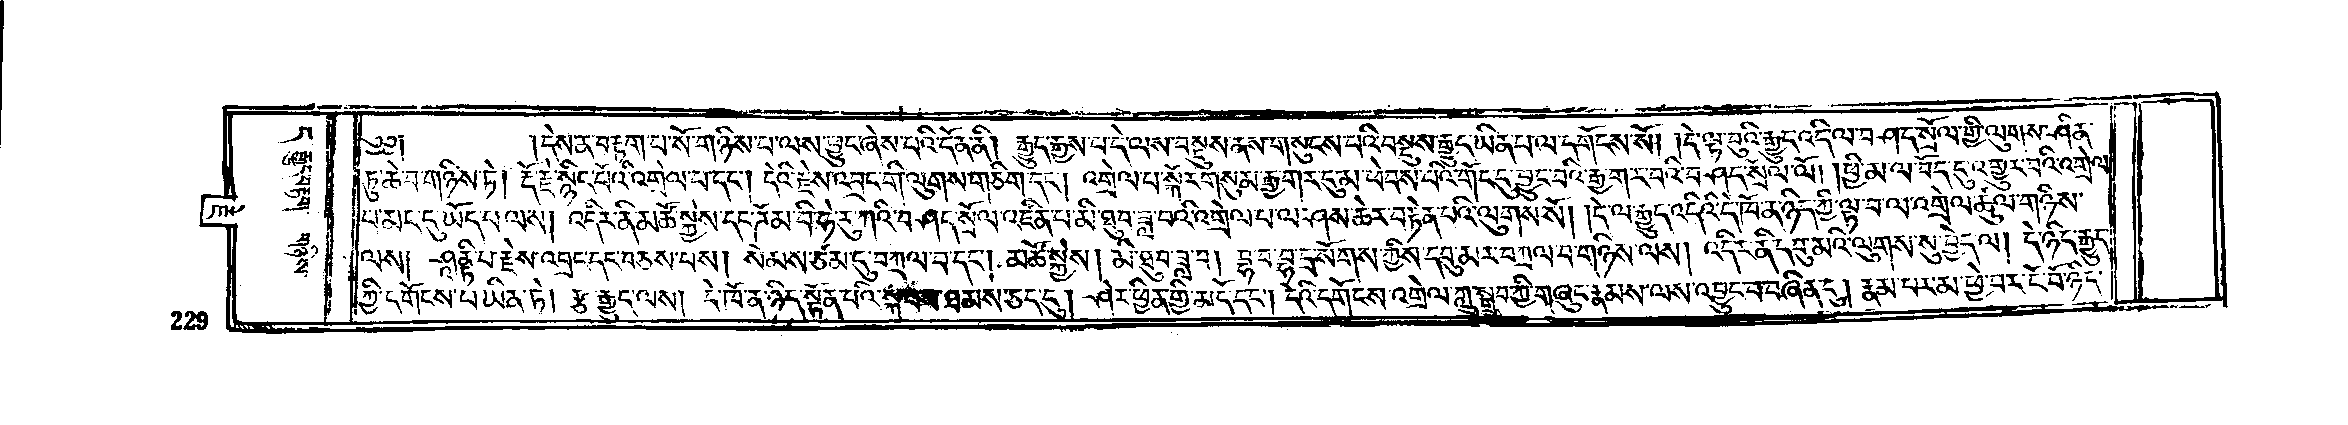༄༅། །དེས་ན་བརྟག་པ་སོ་གཉིས་པ་ལས་ཕྱུང་ཞེས་པའི་དོན་ནི། རྒྱུད་རྒྱས་པ་དེ་ལས་བསྡུས་ནས་གསུངས་པའི་བསྡུས་རྒྱུད་ཡིན་པ་ལ་དགོངས་སོ། །དེ་ལྟ་བུའི་རྒྱུད་འདི་ལ་བཤད་སྲོལ་གྱི་ལུགས་ཤིན་
ཏུ་ཆེ་བ་གཉིས་ཏེ། རྡོ་རྗེ་སྙིང་པོའི་འགྲེལ་པ་དང་། དེའི་རྗེས་འབྲང་གི་ལུགས་གཅིག་དང་། འགྲེལ་པ་སྐོར་གསུམ་རྒྱ་གར་དུ་མ་ཕེབས་པའི་གོང་དུ་བྱུང་བའི་རྒྱ་གར་བའི་བཤད་སྲོལ་ལོ། །ཕྱི་མ་ལ་བོད་དུ་འགྱུར་བའི་འགྲེལ་
པ་མང་དུ་ཡོད་པ་ལས། འདིར་ནི་མཚོ་སྐྱེས་དང་ཌོམ་བི་ཧེ་རུ་ཀའི་བཤད་སྲོལ་འཛིན་པ་མི་ཐུབ་ཟླ་བའི་འགྲེལ་པ་ལ་ཤས་ཆེར་བརྟེན་པའི་ལུགས་སོ། །དེ་ལ་རྒྱུད་འདིའི་དེ་ཁོ་ན་ཉིད་ཀྱི་ལྟ་བ་ལ་འགྲེལ་ཚུལ་གཉིས་
ལས། ཤཱནྟི་པ་རྗེས་འབྲང་དང་བཅས་པས། སེམས་ཙམ་དུ་བཀྲལ་བ་དང་། མཚོ་སྐྱེས། མི་ཐུབ་ཟླ་བ། བྷ་བ་བྷ་དྲ་སོགས་ཀྱིས་དབུ་མར་བཀྲལ་བ་གཉིས་ལས། འདིར་ནི་དབུ་མའི་ལུགས་སུ་བྱེད་ལ། དེ་ཉིད་རྒྱུད་
ཀྱི་དགོངས་པ་ཡིན་ཏེ། རྩ་རྒྱུད་ལས། དེ་ཁོ་ན་ཉིད་སྟོན་པའི་སྐབས་ཐམས་ཅད་དུ། ཤེར་ཕྱིན་གྱི་མདོ་དང་། དེའི་དགོངས་འགྲེལ་ཀླུ་སྒྲུབ་ཀྱི་གཞུང་རྣམས་ལས་འབྱུང་བ་བཞིན་དུ། རྣམ་པར་མ་ཕྱེ་བར་ངོ་བོ་ཉིད་